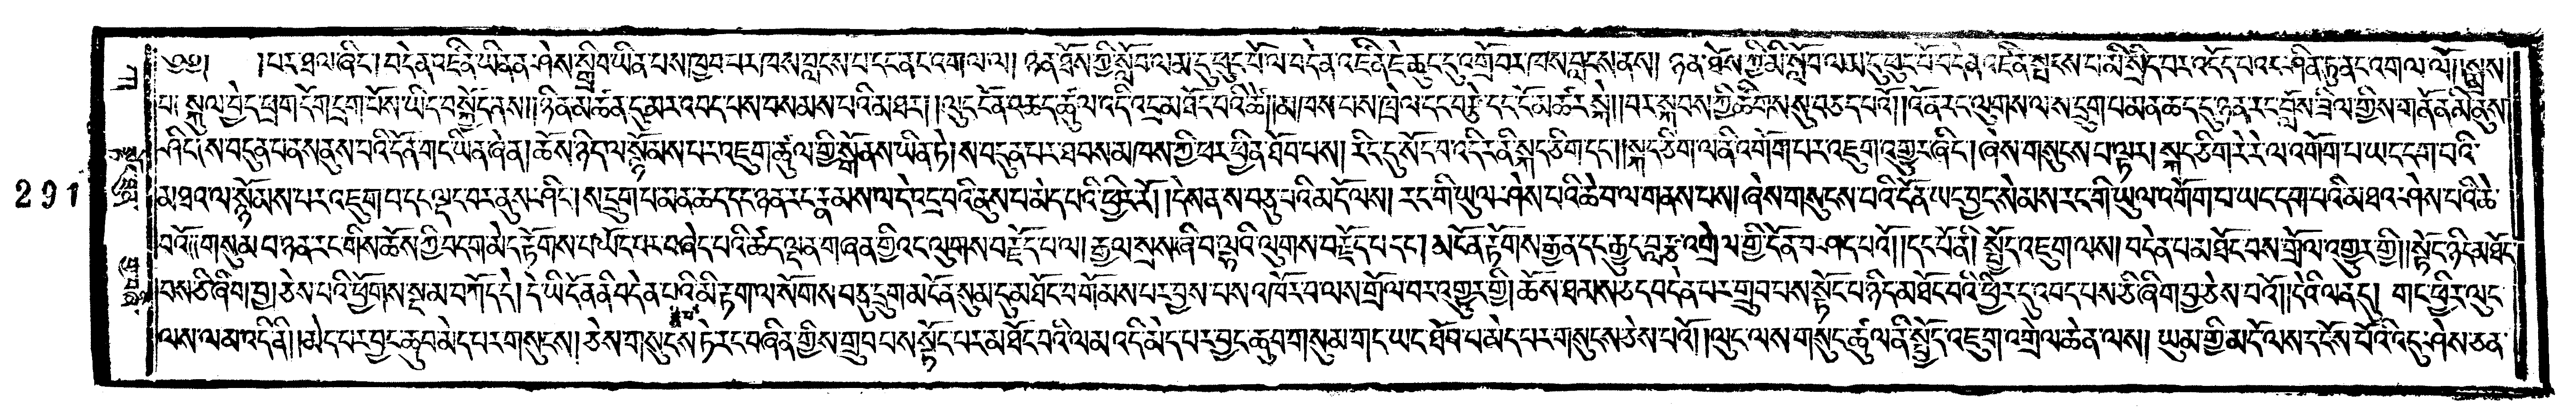༄༅། །པར་ཐལ་ཞིང་། བདེན་འཛིན་ཡིན་ན་ཤེས་སྒྲིབ་ཡིན་པས་ཁྱབ་པར་ཁས་བླངས་པ་དང་ནང་འགལ་ལ། ཉན་ཐོས་ཀྱི་སློབ་ལམ་དུ་ཕུང་པོ་ལ་བདེན་འཛིན་ཇེ་ཆུད་དུ་འགྲོ་བར་ཁས་བླངས་ནས། ཉན་ཐོས་ཀྱི་མི་སློབ་ལམ་དུ་ཕུང་པོ་བདེན་འཛིན་སྤངས་པ་མི་སྲིད་པར་འདོད་པའང་ཤིན་ཏུ་ནང་འགལ་ལོ། །སྨྲས་
པ༑ སྐུལ་བྱེད་ཕྲག་དོག་དྲག་པོས་ཡིད་བསྐྱོད་ནས། །ཉིན་མཚན་དུ་མར་འབད་པས་བསམས་པའི་མཐར། །ལུང་དོན་འཆད་ཚུལ་འདི་འདྲ་མཐོང་བའི་ཚེ། །མཁས་པས་ཁྲེལ་དང་བརྩེ་དང་ངོ་མཚར་སྐྱེ། །བར་སྐབས་ཀྱི་ཚིགས་སུ་བཅད་པའོ། །འོ་ན་རང་ལུགས་ལ་ས་དྲུག་པ་མན་ཆད་དུ་ཉན་རང་བློས་ཟིལ་གྱིས་གནོན་མི་ནུས་
ཤིང༑ ས་བདུན་པ་ནས་ནུས་པའི་དོན་གང་ཡིན་ཞེ་ན། ཆོས་ཉིད་ལ་སྙོམས་པར་འཇུག་ཚུལ་གྱི་སྒོ་ནས་ཡིན་ཏེ། ས་བདུན་པར་ཐབས་མཁས་ཀྱི་ཕར་ཕྱིན་ཐོབ་པས། རིང་དུ་སོང་བ་འདིར་ནི་སྐད་ཅིག་དང་། །སྐད་ཅིག་ལ་ནི་འགོག་པར་འཇུག་འགྱུར་ཞིང་། ཞེས་གསུངས་པ་ལྟར། སྐད་ཅིག་རེ་རེ་ལ་འགོག་པ་ཡང་དག་པའི་
མཐའ་ལ་སྙོམས་པར་འཇུག་པ་དང་ལྡང་བར་ནུས་ཤིང་། ས་དྲུག་པ་མན་ཆད་དང་ཉན་རང་རྣམས་ལ་དེ་འདྲ་བའི་ནུས་པ་མེད་པའི་ཕྱིར་རོ། །དེས་ན་ས་བཅུ་པའི་མདོ་ལས། རང་གི་ཡུལ་ཤེས་པའི་ཆེ་བ་ལ་གནས་པས། ཞེས་གསུངས་བའི་དོན་ཡང་བྱང་སེམས་རང་གི་ཡུལ་འགོག་པ་ཡང་དག་པའི་མཐའ་ཤེས་པའི་ཆེ་
བའོ༑ ༑གསུམ་པ་ཉན་རང་གིས་ཆོས་ཀྱི་བདག་མེད་རྟོགས་པ་ཡོད་པར་བཞེད་པའི་ཚད་ལྡན་གཞན་གྱིའང་ལུགས་བརྗོད་པ་ལ། རྒྱལ་སྲས་ཞིབ་ལྷའི་ལུགས་བརྗོད་པ་དང་། མངོན་རྟོགས་རྒྱན་དང་རྒྱུད་བླ་རྩ་འགྲེལ་གྱི་དོན་བཤད་པའོ། །དང་པོ་ནི། སྤྱོད་འཇུག་ལས། བདེན་པ་མཐོང་བས་གྲོལ་འགྱུར་གྱི། །སྟོང་ཉིད་མཐོང་
བས་ཅི་ཞིག་བྱ། ཅེས་པའི་ཕྱོགས་སྔ་མ་བཀོད་དེ། དེ་ཡི་དོན་ནི་བདེན་པའི་མི་རྟག་ལ་སོགས་བཅུ་དྲུག་མངོན་སུམ་དུ་མཐོང་བ་གོམས་པར་བྱས་པས་འཁོར་བ་ལས་གྲོལ་བར་འགྱུར་གྱི། ཆོས་ཐམས་ཅད་བདེན་པར་གྲུབ་པས་སྟོང་པ་ཉིད་མཐོང་བའི་ཕྱིར་དུ་འབད་པས་ཅི་ཞིག་བྱ་ཅེས་བའོ། །དེའི་ལན་དུ། གང་ཕྱིར་ལུང་
ལས་ལམ་འདི་ནི། །མེད་པར་བྱང་ཆུབ་མེད་པར་གསུངས། ཅེས་གསུངས་ཏེ་རང་བཞིན་གྱིས་གྲུབ་པས་སྟོང་པར་མཐོང་བའི་ལམ་འདི་མེད་པར་བྱང་ཆུབ་གསུམ་གང་ཡང་ཐོབ་པ་མེད་པར་གསུངས་ཅེས་པའོ། །ལུང་ལས་གསུང་ཚུལ་ནི་སྤྱོད་འཇུག་འགྲེལ་ཆེན་ལས། ཡུམ་གྱི་མདོ་ལས་དངོས་པོའི་འདུ་ཤེས་ཅན་